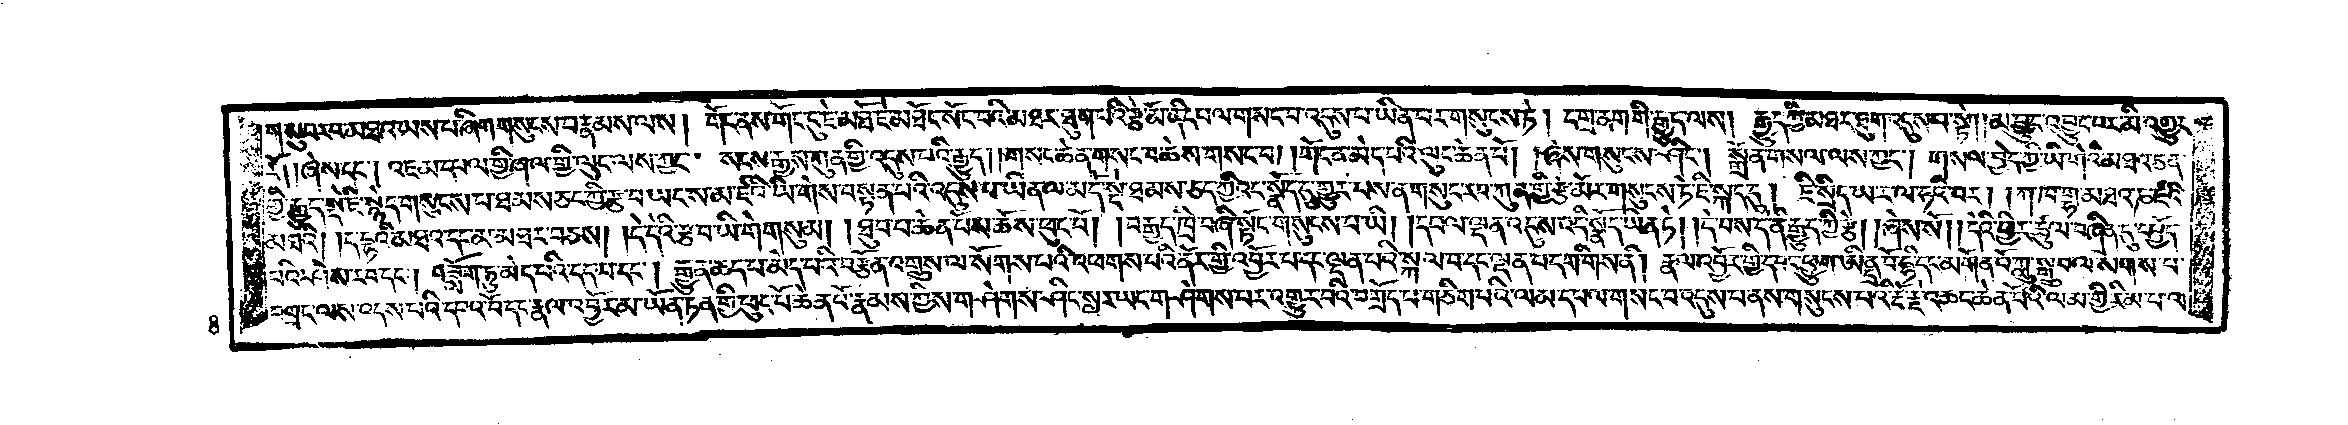གསུང་རབ་མཐའ་ཡས་པ་ཞིག་གསུངས་པ་རྣམས་ལས། གོང་ནས་གོང་དུ་ཇེ་མཐོ་ཇེ་མཐོར་སོང་བའི་མཐར་ཐུག་པའི་རྩེ་མོ་ནི་དཔལ་གསང་བ་འདུས་པ་ཡིན་པར་གསུངས་ཏེ། དགྲ་ནག་གི་རྒྱུད་ལས། རྒྱུད་ཀྱི་མཐར་ཐུག་འདུས་པ་སྟེ། །མ་བྱུང་འབྱུང་བར་མི་འགྱུར་
རོ། །ཞེས་དང་། འཇམ་དཔལ་གྱི་ཞལ་གྱི་ལུང་ལས་ཀྱང་། སངས་རྒྱས་ཀུན་གྱི་འདུས་པའི་རྒྱུད། །གསང་ཆེན་གསང་བ་ཆེས་གསང་བ། །གོང་ན་མེད་པའི་ལུང་ཆེན་པོ། །ཞེས་གསུངས་ཤིང་། སྒྲོན་གསལ་ལས་ཀྱང་། གསལ་བྱེད་ཀྱི་ཡི་གེའི་མཐའ་ཅན་
གྱི་རྒྱུད་སྡེ་ཇི་སྙེད་གསུངས་པ་ཐམས་ཅད་ཀྱི་རྩ་བ་ཡང་ས་མ་ཛའི་ཡི་གེས་བསྟན་པའི་འདུས་པ་ཡིན་ལ་མདོ་སྡེ་ཐམས་ཅད་ཀྱིའང་སྣོད་དུ་གྱུར་པས་ན་གསུང་རབ་ཀུན་གྱི་རྩེ་མོར་གསུངས་ཏེ་ཇི་སྐད་དུ། ཇི་སྲིད་ཡ་ར་ལ་ཧའི་བར། །ཀ་ཁ་གྷ་མཐའ་ཎ་ཛའི་
མཐའ། །ད་དྷའི་མཐའ་དང་མ་མཐར་བཅས། །དེ་དེའི་རྩ་བ་ཡི་གེ་གསུམ། །ཐུབ་པ་ཆེན་པོས་ཆོས་ཕུང་པོ། །བརྒྱད་ཁྲི་བཞི་སྟོང་གསུངས་པ་ཡི། །དཔལ་ལྡན་འདུས་འདི་སྣོད་ཡིན་ཏེ། །དེ་བས་དེ་ནི་རྒྱུད་ཀྱི་རྩེ། །ཞེས་སོ། །དེའི་ཕྱིར་ཚུལ་བཞིན་དུ་དཔྱོད་
པའི་ཤེས་རབ་དང་། བཟློག་ཏུ་མེད་པའི་དད་པ་དང་། རྒྱུན་ཆད་པ་མེད་པའི་བརྩོན་འགྲུས་ལ་སོགས་པའི་འཕགས་པའི་ནོར་གྱི་འབྱོར་པ་དང་ལྡན་པའི་སྐལ་བ་དང་ལྡན་པ་དག་གིས་ནི། རྣལ་འབྱོར་གྱི་དབང་ཕྱུག་ཨིནྡྲ་བོ་དྷི་དང་མགོན་པོ་ཀླུ་སྒྲུབ་ལ་སོགས་པ་
བགྲང་ལས་འདས་པའི་དཔའ་བོ་དང་རྣལ་འབྱོར་མ་ཡོན་ཏན་གྱི་ཕུང་པོ་ཆེན་པོ་རྣམས་ཀྱིས་གཤེགས་ཤིང་སླར་ཡང་གཤེགས་པར་འགྱུར་བའི་བགྲོད་པ་གཅིག་པའི་ལམ་དཔལ་གསང་བ་འདུས་པ་ནས་གསུངས་པའི་རྡོ་རྗེ་འཆང་ཆེན་པོའི་ལམ་གྱི་རིམ་པ་ལ་